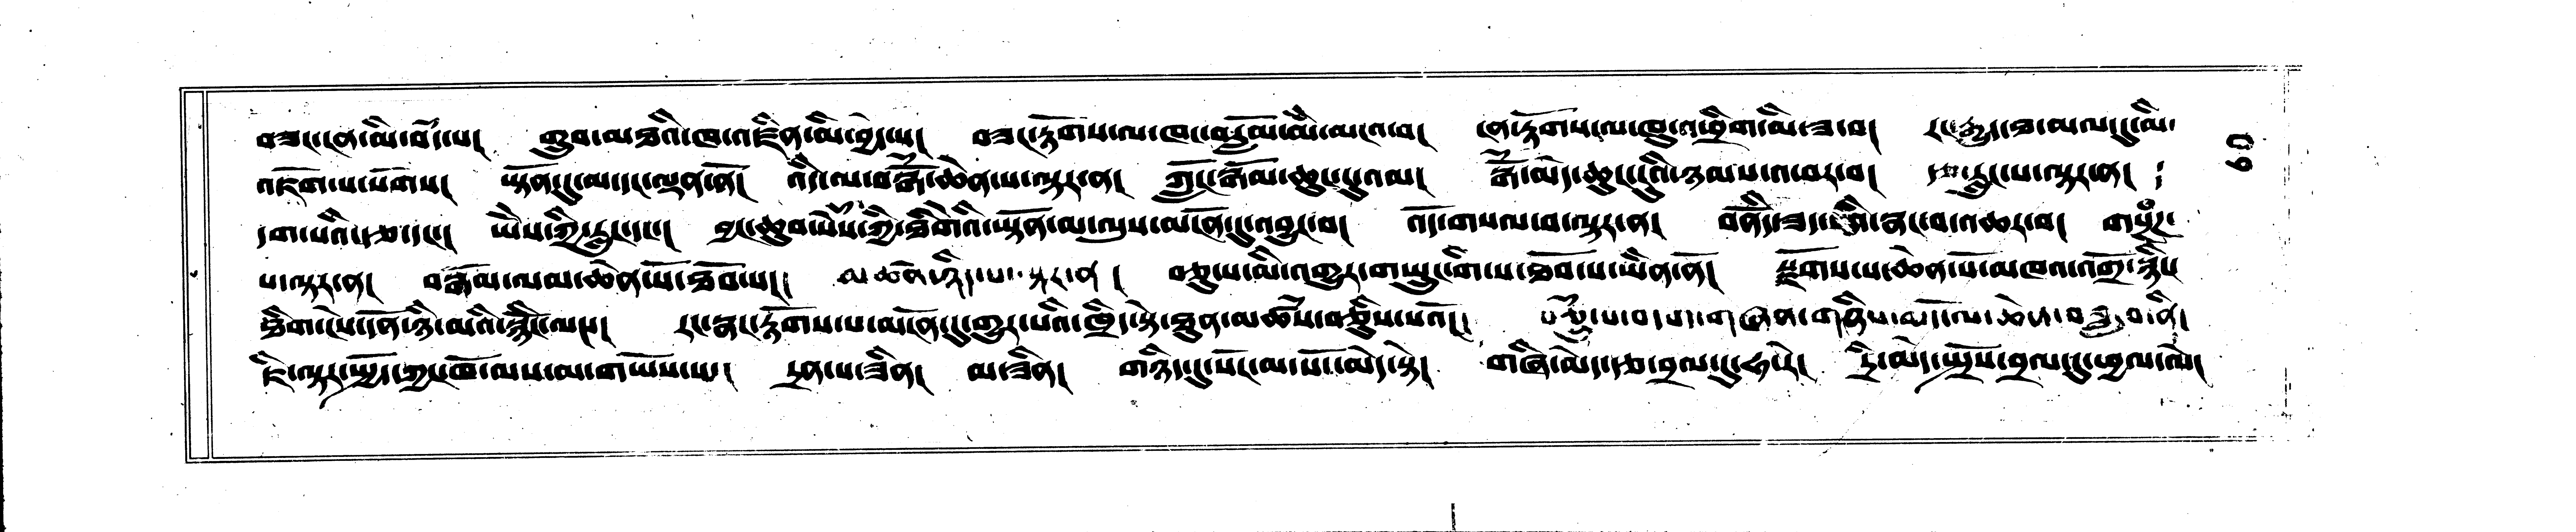བཟང་ངན་མི་བདམ་པ། གྲུབ་མཐའི་ཁ་འཛིན་མི་བྱེད་པ། བཟང་རྟོག་ལ་ཁོང་རློམ་མི་མངའ་བ། ངན་རྟོག་ལ་ཁུ་འཁྲིག་མི་ཟ་བ། རང་རྒྱུད་ཐ་མལ་དུ་མི་
འཇོག་པ་སོགས། ཡོན་ཏན་དུ་མ་དང་ལྡན་ནོ། །འདི་ལ་སྒོམ་ཆེན་པ་ལྟར་ན། ཀློང་སྒོམ་ཆུང་ངུའམ། སྒོམ་མེད་ཆུང་ངུའི་ཉམས་འཕར་བ། རྩ་རླུང་པ་ལྟར་ན། 
དག་པའི་རྩ་དང་། ཡེ་ཤེས་ཀྱི་རླུང་དང་། བྱང་ཆུབ་སེམས་ཀྱི་ཐིག་ལེའི་ཡོན་ཏན་མ་ལུས་པ་མངོན་དུ་འབྱུང་བ། འོད་གསལ་བ་ལྟར་ན། བོན་ཉིད་ཟད་པའི་སྣང་བ་འཆར་བ། གསང་སྔགས་
པ་ལྟར་ན། སྒོམ་ལམ་ཆེན་པོ་ཐོབ་པ། མཚན་ཉིད་པ་ལྟར་ན། བཅུ་པ་མི་འགྱུར་གཡུང་དྲུང་གི་ས་ཐོབ་པ་ཡིན་ནོ། །རྫོགས་པ་ཆེན་པོ་མཁའ་འགྲོ་སྙིང་
ཐིག་ངེས་དོན་ཉི་མའི་སྙིང་པོ་ལས། རང་སྣང་རྟོགས་པ་མངོན་དུ་གྱུར་པའི་ཁྲིད་དེ། ཐུན་མཚམས་བཅུ་གཉིས་པའོ།། །།བཅུ་གསུམ་པ་བདག་གཞན་གཉིས་མེད་ལ་ཆེན་བཟླ་བ་ནི།
 ཇི་ལྟར་སྤྱོད་ཀྱང་ཁོ་ལས་མ་གཡོས་པ། དྲན་པ་ཟིན་མ་ཟིན། གཉིད་དུ་སོང་མ་སོང་མེད་དེ། གཞི་མེད་རྩ་བྲལ་དུ་ཧར་རེ། དྲི་མེད་སྤྲོས་བྲལ་དུ་ཕྱལ་ལེ།